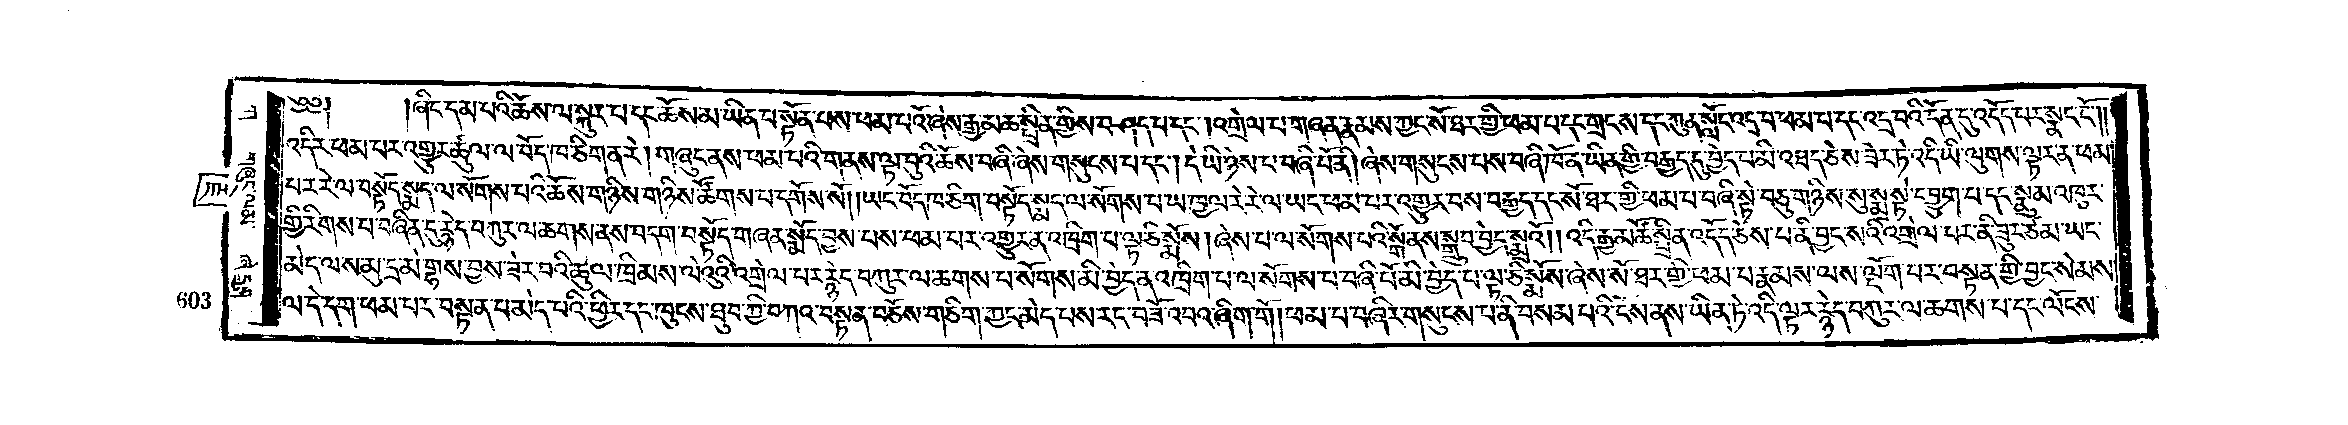༄༅། །ཞིང་དམ་པའི་ཆོས་ལ་སྐུར་པ་དང་ཆོས་མ་ཡིན་པ་སྟོན་པས་ཕམ་པའོ་ཞེས་རྒྱ་མཚོ་སྤྲིན་གྱིས་བཤད་པ་དང་། འགྲེལ་པ་གཞན་རྣམས་ཀྱང་སོ་ཐར་གྱི་ཕམ་པ་དང་གྲངས་དང་ཀུན་སློང་འདྲ་བ་ཕམ་པ་དང་འདྲ་བའི་དོན་དུ་འདོད་པར་སྣང་ངོ།།
འདིར་ཕམ་པར་འགྱུར་ཚུལ་ལ་བོད་ཁ་ཅིག་ན་རེ། གཞུང་ནས་ཕམ་པའི་གནས་ལྟ་བུའི་ཆོས་བཞི་ཞེས་གསུངས་པ་དང་། དེ་ཡི་ཉེས་པ་བཞི་པོ་ནི། ཞེས་གསུངས་པས་བཞི་ཁོ་ན་ཡིན་གྱི་བརྒྱད་དུ་བྱེད་པ་མི་འཐད་ཅེས་ཟེར་ཏེ་འདི་ཡི་ལུགས་ལྟར་ན་ཕམ་
པར་རེ་ལ་བསྟོད་སྨད་ལ་སོགས་པའི་ཆོས་གཉིས་གཉིས་ཚོགས་པ་དགོས་སོ། །ཡང་བོད་ཁ་ཅིག་བསྟོད་སྨད་ལ་སོགས་པ་ཡ་ཁྱལ་རེ་རེ་ལ་ཡང་ཕམ་པར་འགྱུར་བས་བརྒྱད་དང་སོ་ཐར་གྱི་ཕམ་པ་བཞི་སྟེ་བཅུ་གཉིས་སུ་སྨྲ་སྟེ་དབྱུག་པ་དང་སྣུམ་འཁུར་
གྱི་རིགས་པ་བཞིན་དུ་རྙེད་བཀུར་ལ་ཆགས་ནས་བདག་བསྟོད་གཞན་སྨོད་བྱས་པས་ཕམ་པར་འགྱུར་ན་འཁྲིག་པ་ལྟ་ཅི་སྨོས། ཞེས་པ་ལ་སོགས་པའི་སྒོ་ནས་སྒྲུབ་བྱེད་སྨྲའོ། །འདི་རྒྱ་མཚོ་སྤྲིན་འདོད་ཅེས་པ་ནི་བྱང་སའི་འགྲེལ་པར་ནི་ཟུར་ཙམ་ཡང་
མེད་ལ་ས་མུ་དྲ་མེ་གྷས་བྱས་ཟེར་བའི་ཚུལ་ཁྲིམས་ལེའུའི་འགྲེལ་པར་རྙེད་བཀུར་ལ་ཆགས་པ་སོགས་མི་བྱེད་ན་འཁྲིག་པ་ལ་སོགས་པ་བཞི་པོ་མི་བྱེད་པ་ལྟ་ཅི་སྨོས་ཞེས་སོ་ཐར་གྱི་ཕམ་པ་རྣམས་ལས་ལྡོག་པར་བསྟན་གྱི་བྱང་སེམས་
ལ་དེ་དག་ཕམ་པར་བསྟན་པ་མེད་པའི་ཕྱིར་དང་ཁུངས་ཐུབ་ཀྱི་བཀའ་བསྟན་བཅོས་གཅིག་ཀྱང་མེད་པས་རང་བཟོ་འབའ་ཞིག་གོ །ཕམ་པ་བཞིར་གསུངས་པ་ནི་བསམ་པའི་ངོས་ནས་ཡིན་ཏེ་འདི་ལྟར་རྙེད་བཀུར་ལ་ཆགས་པ་དང་ལོངས་